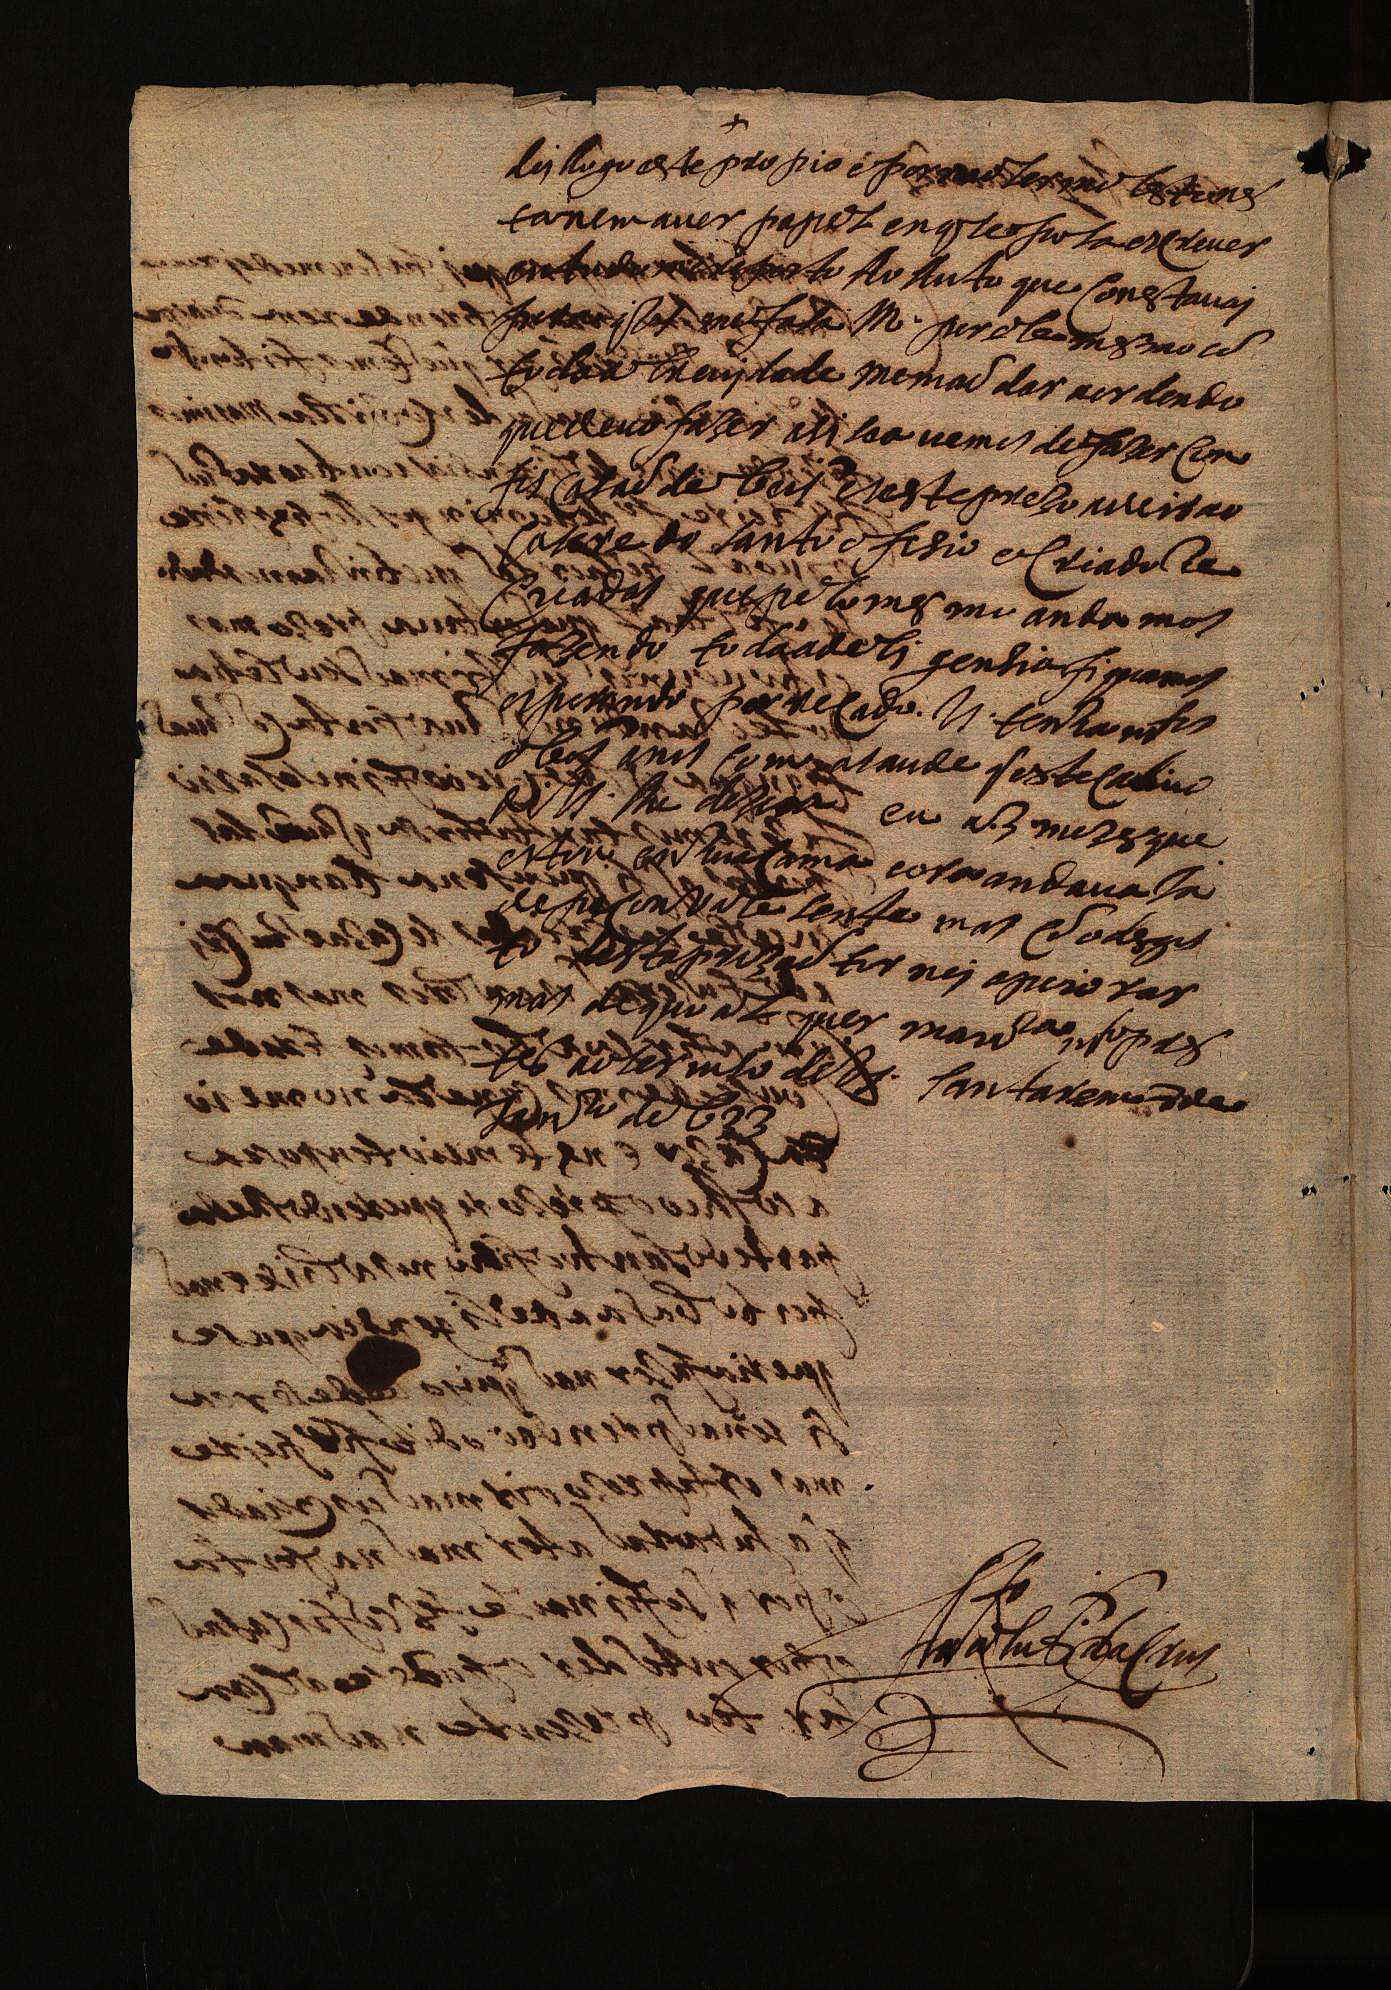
dei llogo este propio e por me ser molesto nes
ta nem auer papel en q̄ se o posa esCreuer
en tudo me reporto Ao Auto que Con esta uaj
pera q̄ Vs me fasa M. por ele mesmo cō
toda a breujdade me maõdar a orden do
que deuo fazer asi se auemos de fazer Con
fiscasaõ de beis e se este prezo ao uir ao
Casere do santo ofisio e Criado he
Criadas que pelo mesmo andamos
fazendo toda a deligensia fiquamos
esperando por reCado. Vs. tenha mtos
e bos̄ anos Com a saude q̄ este Catiuo
de .Vs. lhe dezeia eu a 3 mezes que
estiue en hua Cama e ora andaua ja
de pe Convalesente mas Cō o desgos
to desta prizaõ tornej a peiorar
mas de quoalquer manra mto pres
tes ao seruiso de Vs. Santarem 8 de
Janro de 633
Anto alues̄ da Crus
